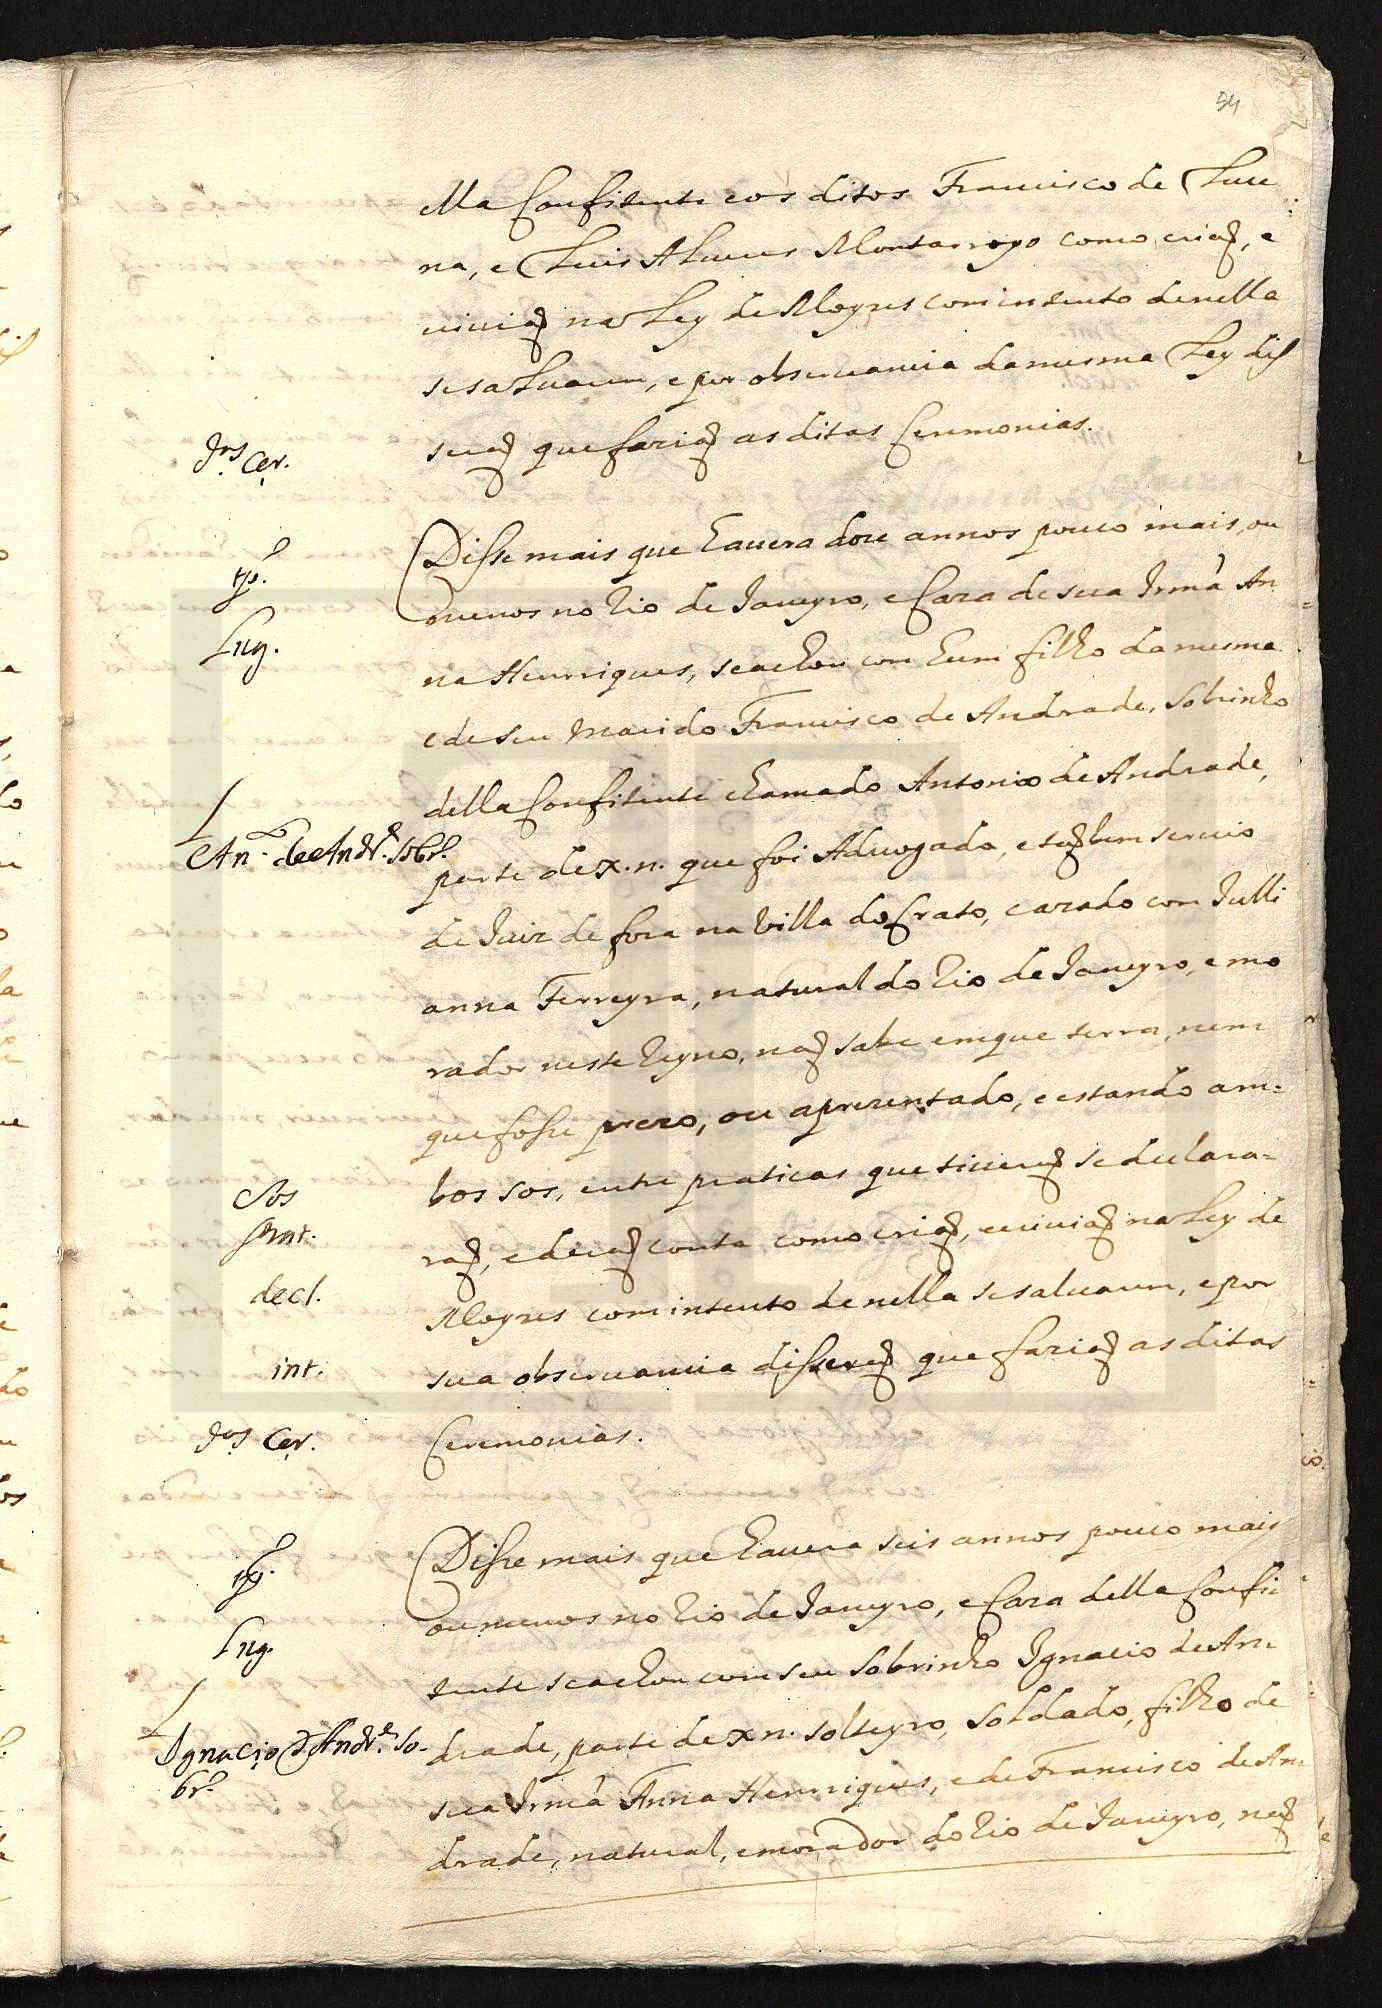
ella Confitente e os ditos Francisco de Luce
na, e Luis Alueres Montarroyo como criaõ, e
uiuiaõ na Ley de Moyzes com intento de nella
se saluarem, e por obseruancia da mesma Ley dis
seraõ que faziaõ as ditas Ceremonias.
d.as cer.
Disse mais que hauera doze annos pouco mais, ou
tp.o
menos no Rio de Ianeyro, e Caza de sua Irmã An
Lug.
na Henrriques, se achou com hum filho da mesma
e de seu marido Francisco de Andrade sobrinho
della Confitente chamado Antonio de Andrade,
parte de x. n. que foi Aduogado, e taõbem seruio
An.to de Andr.e sobr.o
de Iuiz de fora na villa do Crato, cazado com Iulli
anna Ferreyra, natural do Rio de Ianeyro, e mo
rador neste Reyno, naõ sabe em que terra, nem
que fosse prezo, ou aprezentado, e estando am
bos sos, entre praticas que tiueraõ se declara
sos
raõ, e deraõ conta como criaõ, e uiuiaõ na Ley de
prat.
decl.
Moyzes com intento de nella se saluarem, e por
sua obseruancia disseraõ que faziaõ as ditas
int.
Ceremonias.
d.as cer.
Disse mais que hauera seis annos pouco mais
tp̄.
ou menos no Rio de Iaueyro, e Caza della Confi
Lug.
tente se achou com seu sobrinho Ignacio de An
drade, parte de x n. solteyro, soldado, filho de
Ignaçio d̄Andr.e so
sua Irmã Anna Henrriques, e de Francisco de An
br.o
drade, natural, e morador do Rio de Ianeyro, naõ
